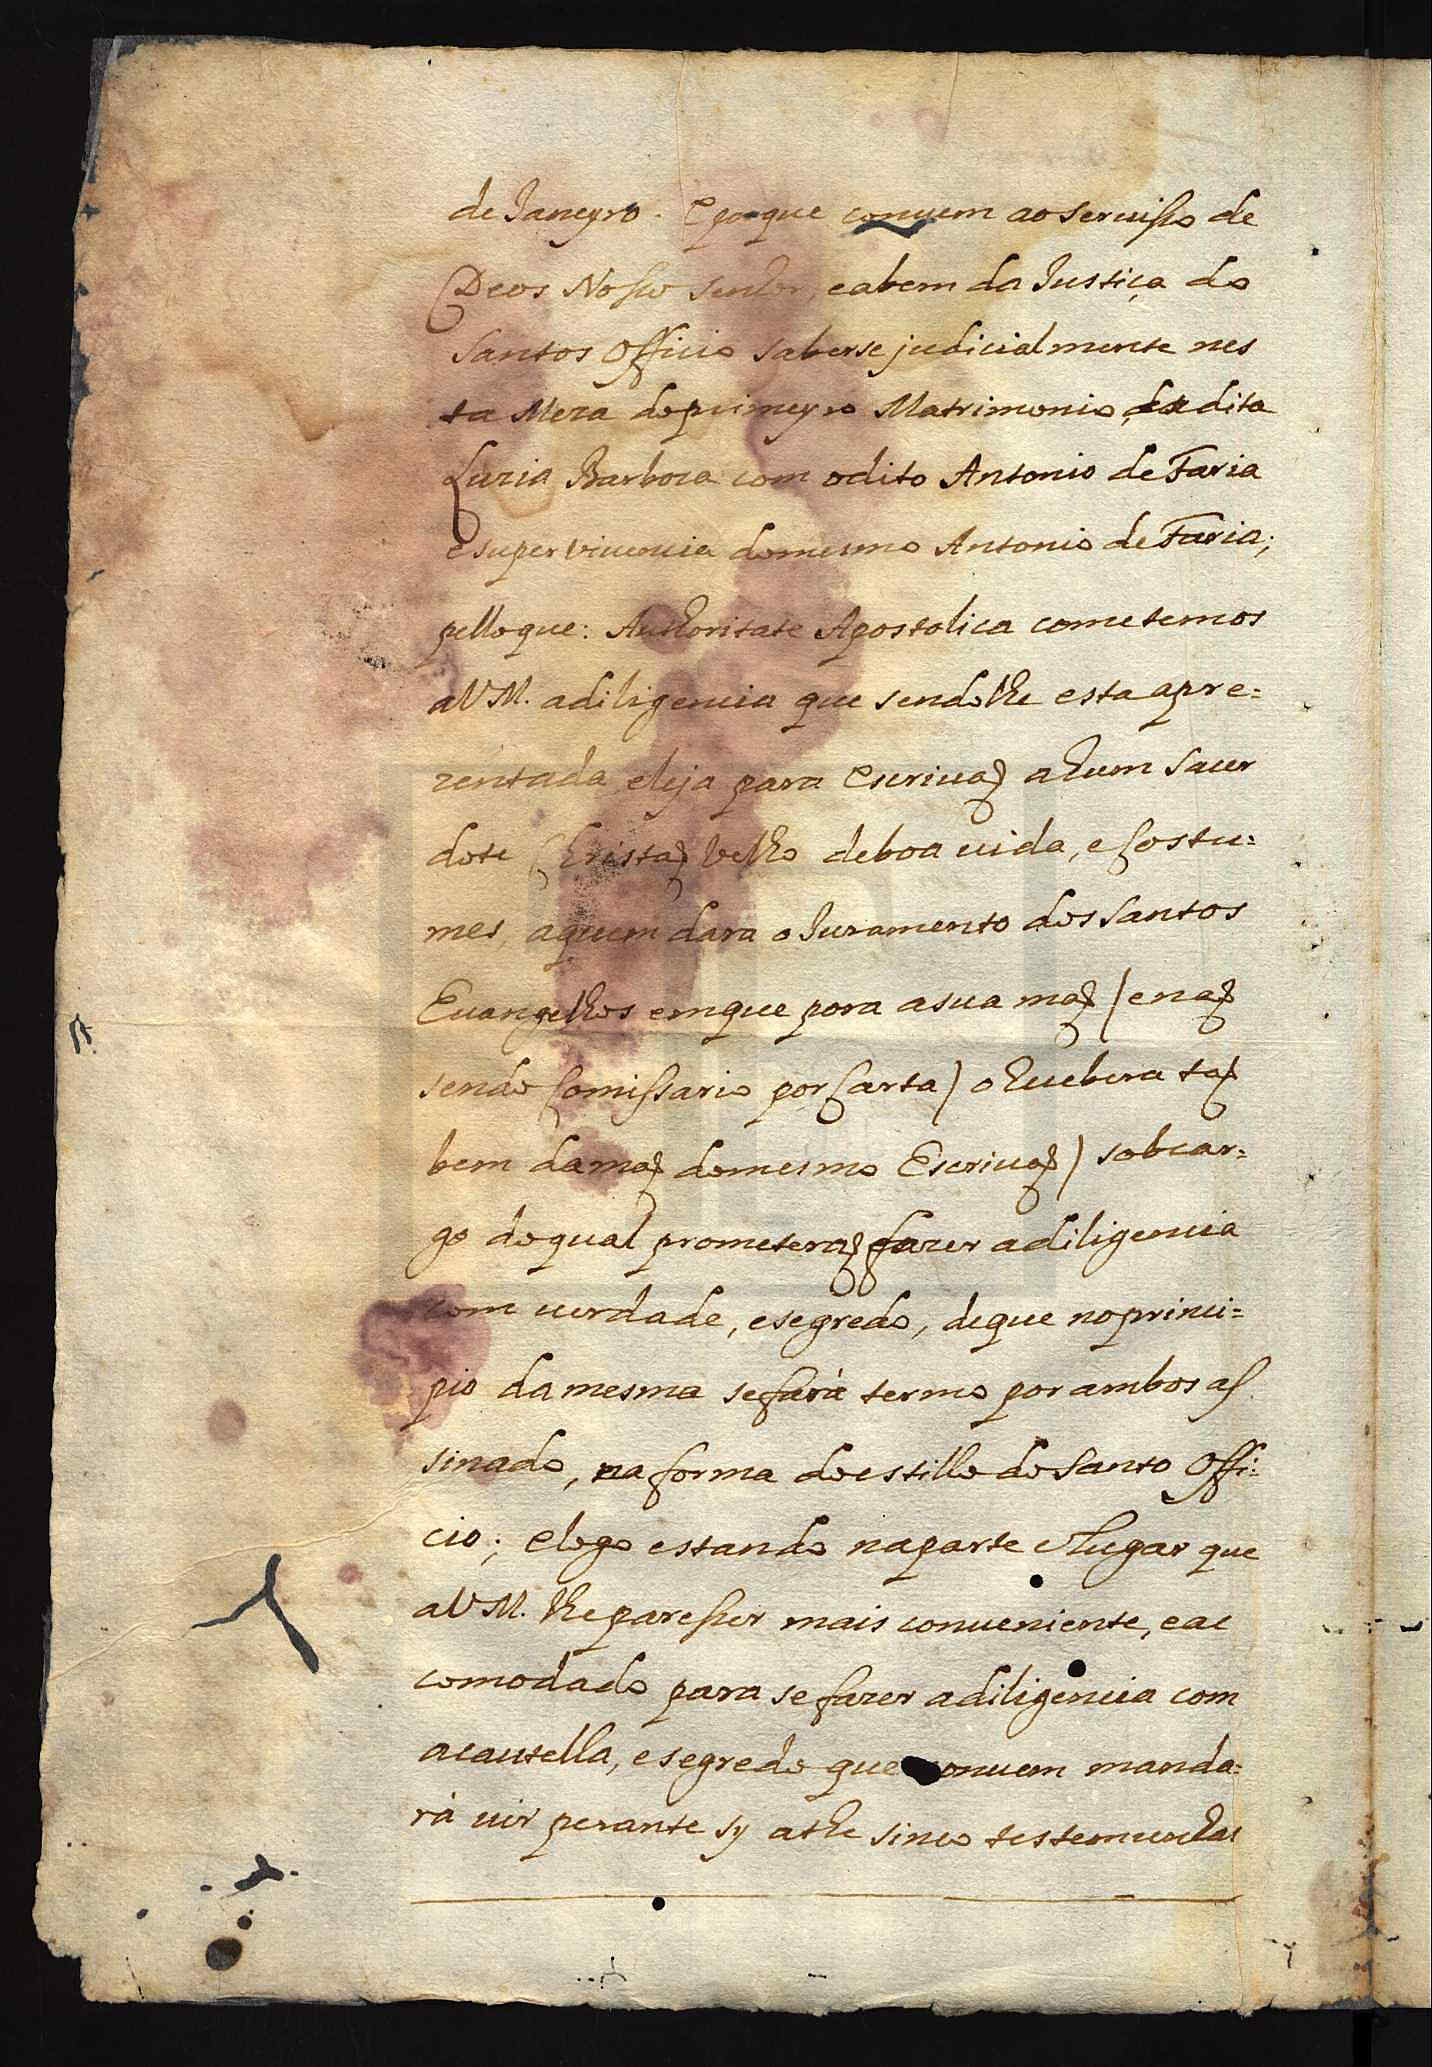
de Ianeyro. E po que conuem ao seruisso de
Deos Nosso Senhor, e a bem da Iustiça do
Santos Officio saberse judicialmente nes
ta Meza do primeyro Matrimonio da dita
Luzia Barboza com o dito Antonio de Faria
e superviuencia do mesmo Antonio de Faria;
pello que: Authoritate Apostolica cometemos
a VM. a diligencia que sendolhe esta apre
zentada eleja para escriuaõ a hum sacer
dote Christaõ velho de boa uida, e Costu
mes, a quem dara o Iuramento dos Santos
Euangelhos em que pora a sua maõ / e naõ
sendo Comissario por Carta / o Recebera taõ
bem da maõ do mesmo Escriuaõ / sob car
go do qual prometeraõ fazer a diligencia
com uerdade, e segredo, de que no princi
pio da mesma se fará termo por ambos as
sinado, na forma do estillo do Santo Offi
cio; e logo estando na parte e lugar que
a VM. lhe paresser mais conueniente, e ac
comodado para se fazer a diligencia com
a cautella, e segredo que conuem manda
rà uir perante sy athe sinco testemunhas
